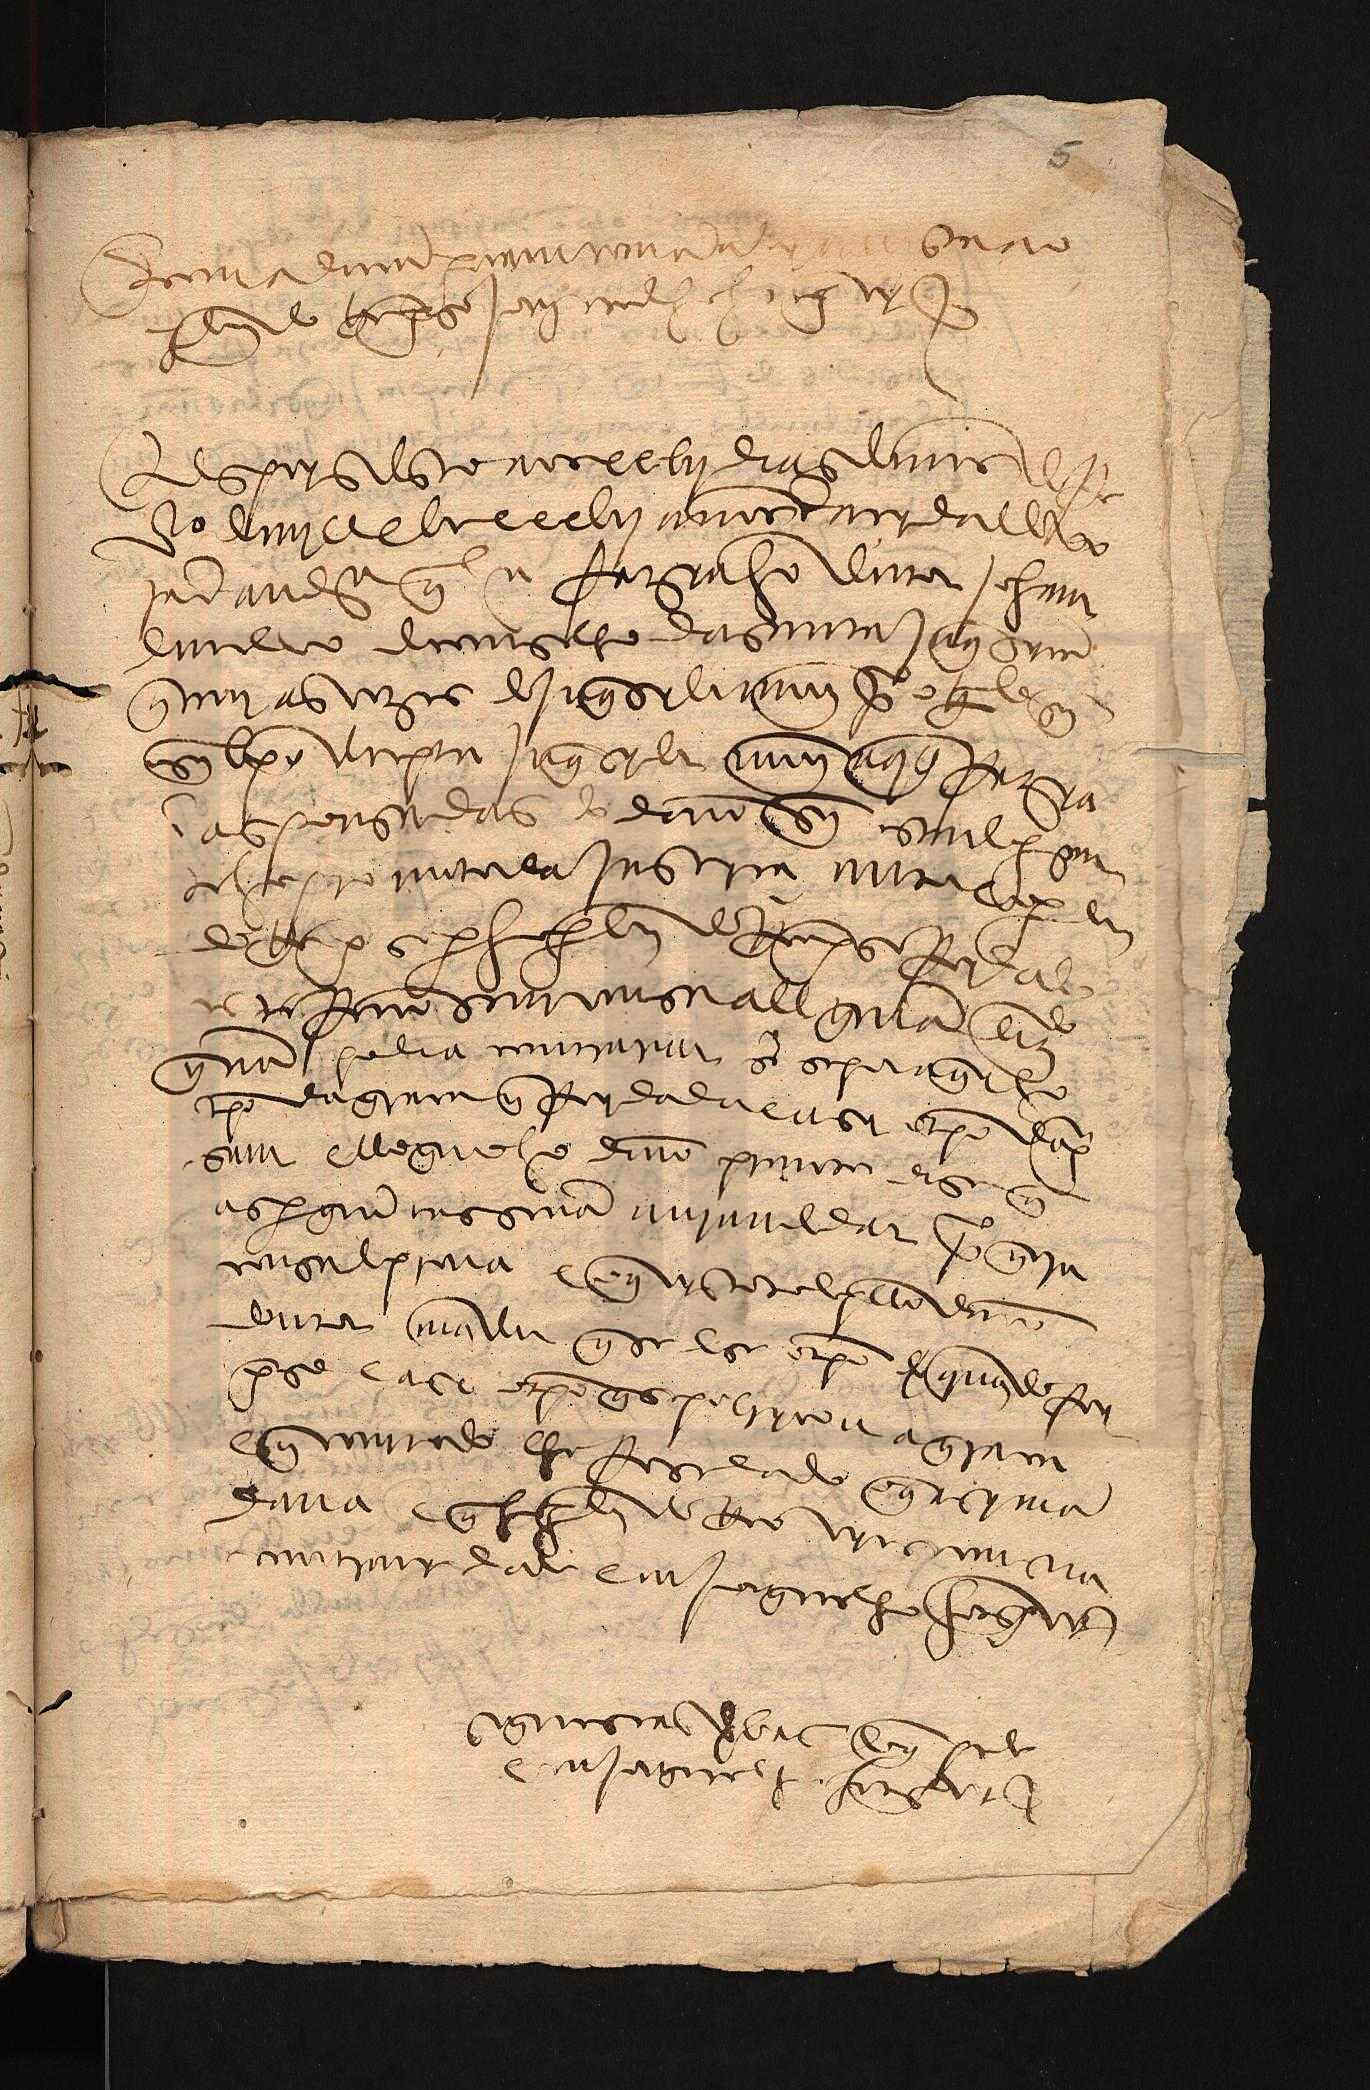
E com a dita ꝑçam tomada dey a uista ao
ꝑdor do Reo p̄so Joam coelho ho sp̄vy
E despoys desto aos xxbij dias do mes de fe
vro de mjll e bc xxxbij anos ē a cydade devo
ra ē audja q̄ hi fazya ho doutor Joham
de mello de comselho da santa Jnq̄syçā
q̄ tem as vezes do Jnq̄sydor moor p̄o o Rdo s̄r
o s̄r bp̄o de cepta Jnq̄sydor mor a q̄ll fazya
ē as pousadas do dito s̄or estando ꝑsem
te ho promotor da Justyça autor e o ꝑdor
do Reo p̄so ꝑ ho ꝑdor do Reo p̄so foy dado
este fct̄o sem cousa allguā dizdo
q̄ nā podia comtrariar sē se por aq̄y ho
tp̄o da graça q̄ foy dada e asy o tp̄o da p̄
sam e lloguo ho dito promotor dise q̄
as ꝑ gūtas se nā aujam de dar p̄oq̄ era
cousa de proua e o q̄ vysto p̄llo dito
doutor mādou q̄ se dese o tp̄o de quādo foy
p̄so e asy o tp̄o q̄ se pobrycou a graça
e q̄ comtado lhe fose dado o q̄ asy mā
daua e q̄ ho ꝑdor do Reo vyese com sua
comtraryedade e eu Jorge coelho ho sp̄vy
seguese as ꝟbas do q̄ pede
e eu Jorge coelho ho esp̄vy
